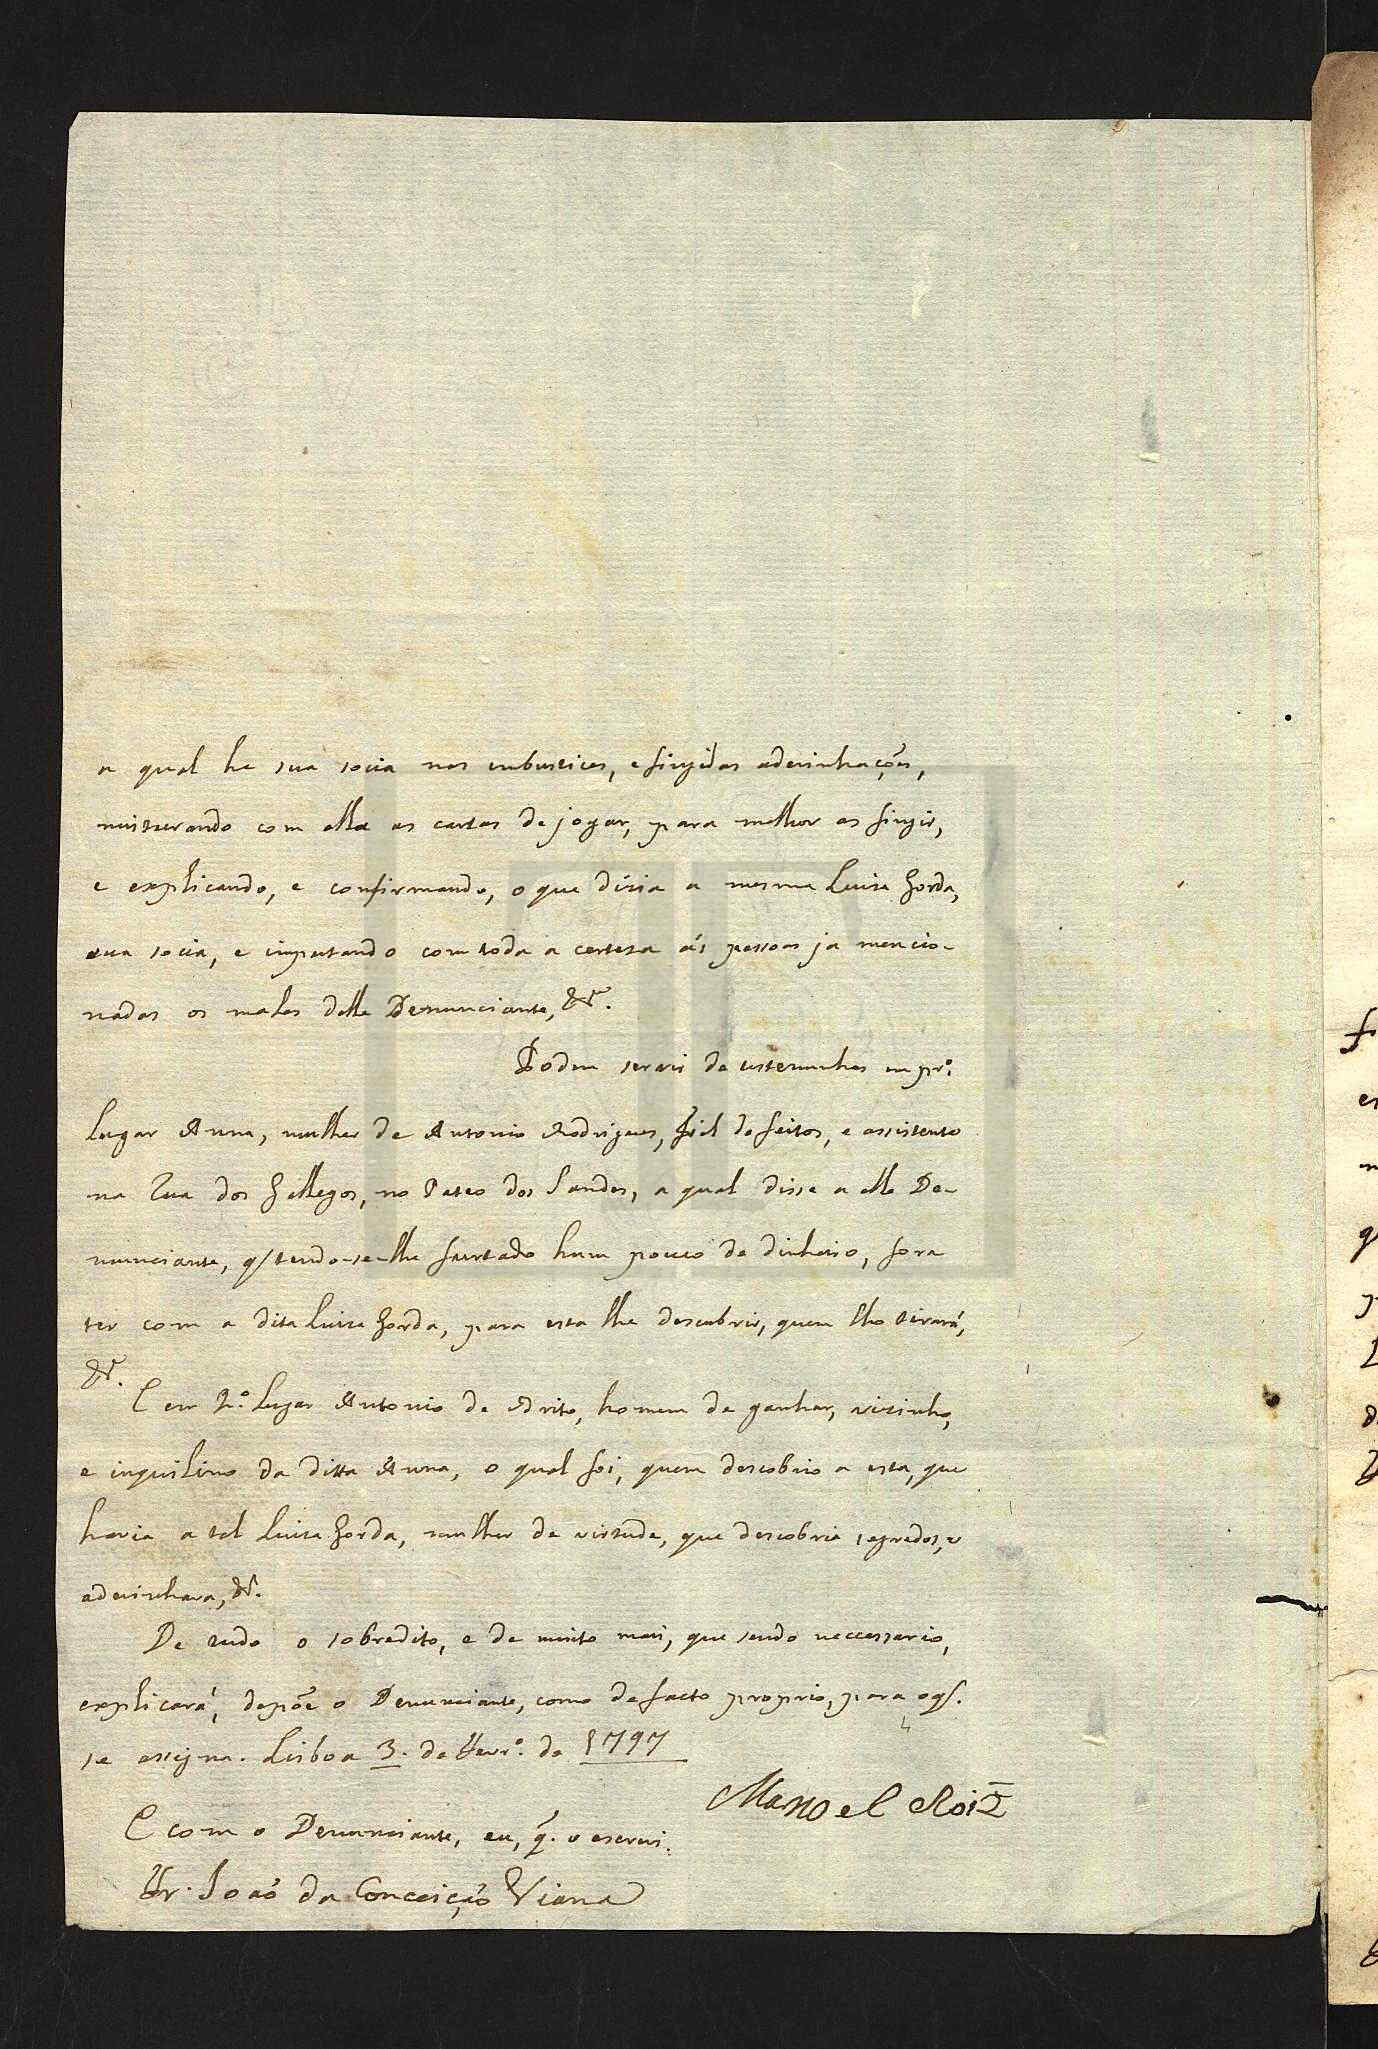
a qual he sua socia nas embusticas, e fingidas adevinhaçoẽs,
misturando com ella as couzas de jogar, para melhor as fingir,
e explicando, e confirmando, o que dizia a mesma Luiza Gorda,
sua socia, e imputando com toda a certeza ás pessoas ja mencio
nadas os males delle Denunciante, &ra.
Podem servir de testemunhas em pr.o
Lugar Anna, mulher de Antonio Rodrigues, fiel do feitor, e assistente
na Rua dos Gallegos, no Pateo dos Sandes, a qual disse a elle De
nunciante, q̄ tendo-se-lhe furtado hum poco de dinheiro, fora
ter com a dita Luiza Gorda, para esta lhe descubrir, quem lho tirará,
&ra
E em 2.o Lugar Antonio de Brito, homem de ganhar, vizinho,
e inquiLino da ditta Anna, o qual foi, quem descobrio a essa, que
havia a tal Luiza Gorda, mulher de virtude, que descobria segredos, e
adevinhava, &ra.
De tudo o sobredito, e de muito mais, que sendo neccessario,
explicará, depõe o Denunciante, como de facto proprio, para o q̄.
se assigna. Lisboa 3. de Fevr.o de 1797
Manoel Roiz̄
E com o Denunciante, eu, q̄ o escrevi.
Fr. Ioaõ da Conceição Viana
